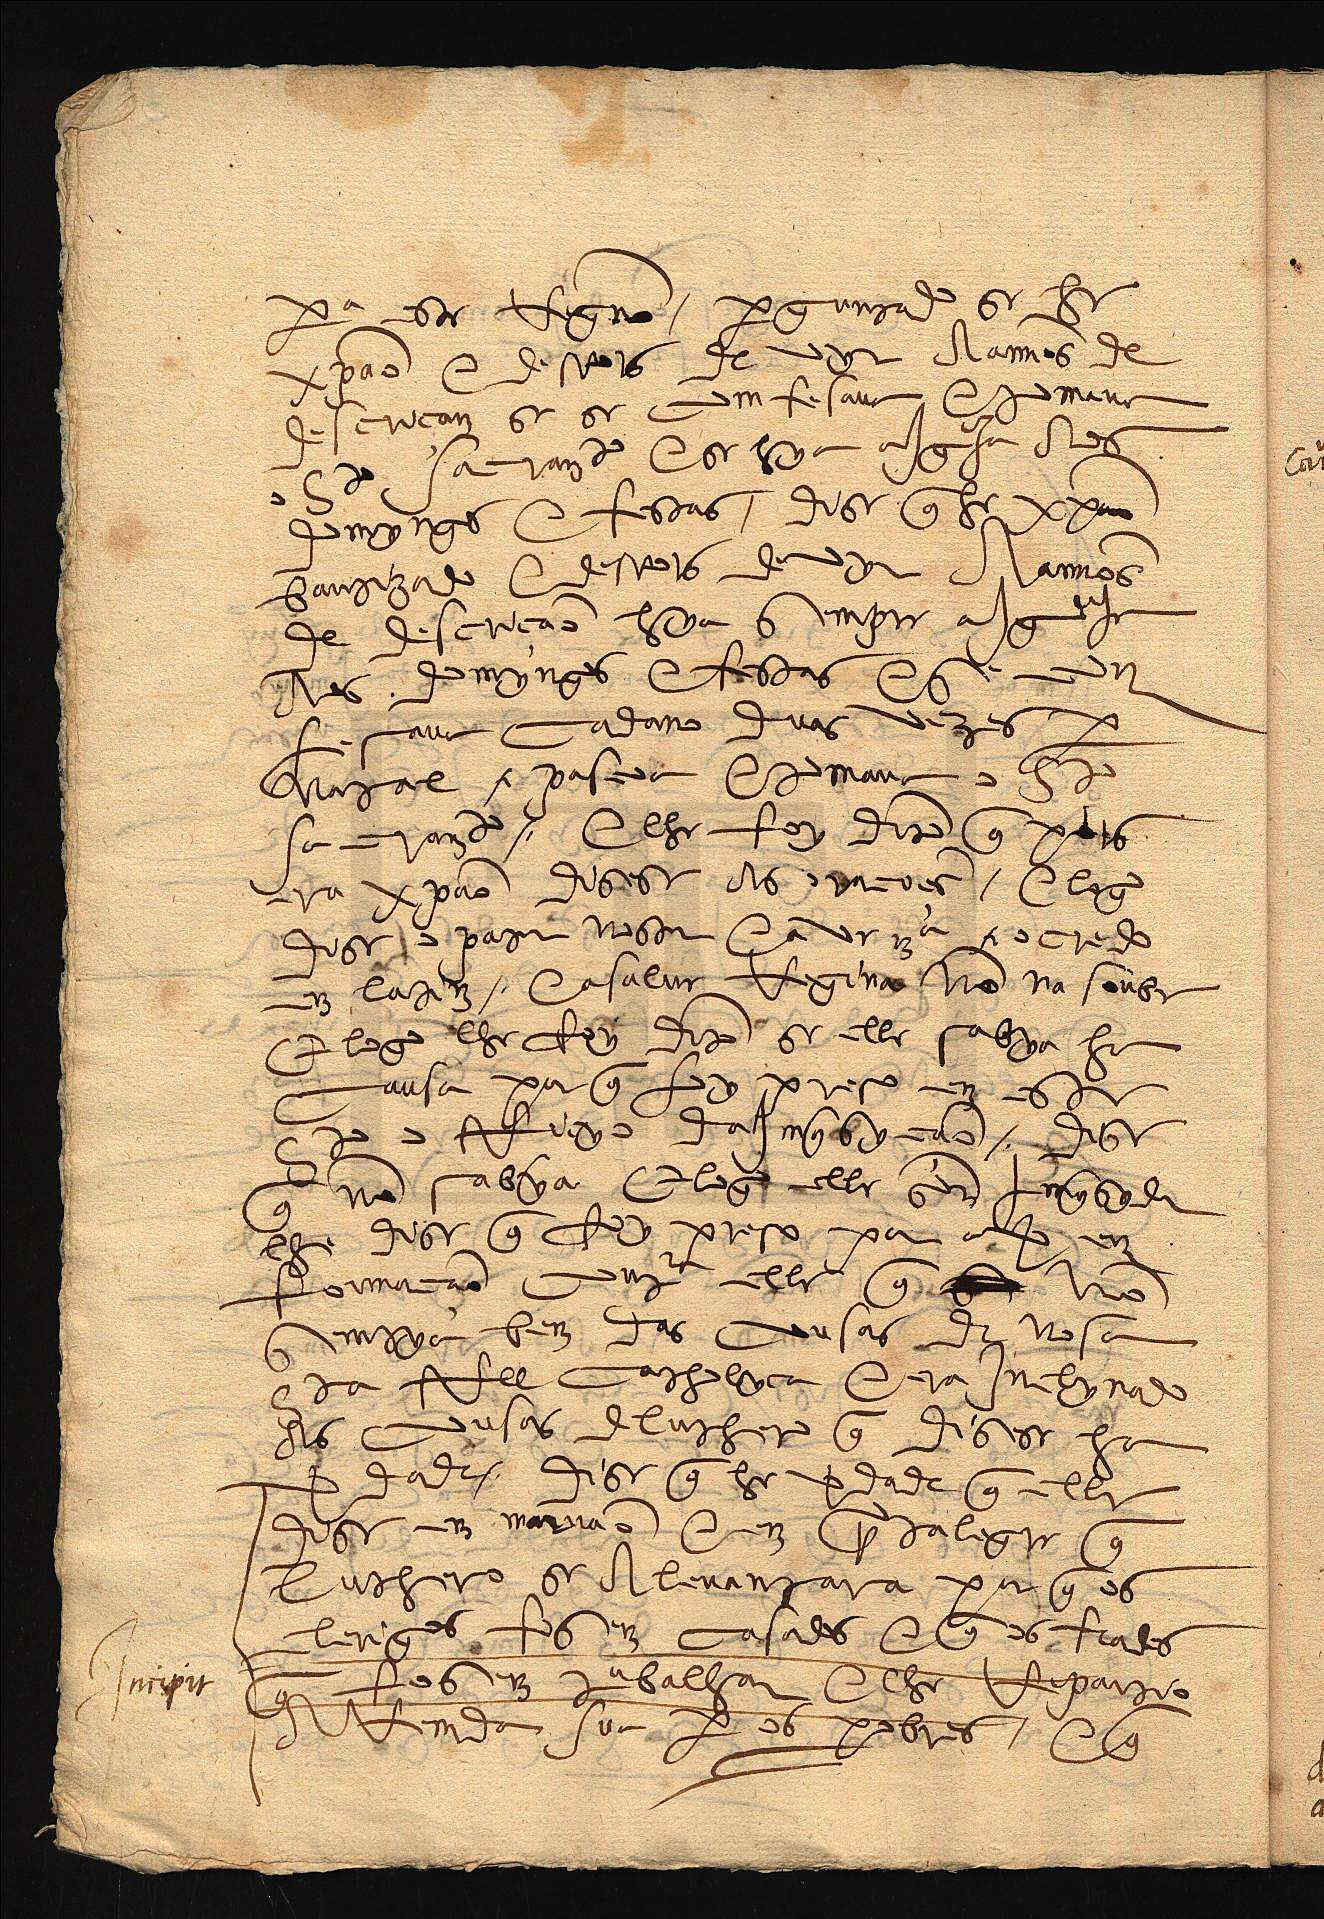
ꝑa este Regno / ꝑguntado se he
xpão e despois de vyr A ann̄os de
desceiçam se se comfesaua e tomaua
o Sto Sacramto e se hya a JḡJa Aos
domyngos e festas / dise q̄ he xpā_
bautizado e despois de vyr A annōs
de descriçaõ hya sempre a JḡJa
Aos domyngos e festas e se con
fesaua Cadano duas vezes ꝑ
natal e pascoa e tomaua o Sto
Sacramto /. e lhe foy dit̄o q̅ pois
era xpão disese As orações / e logo
dise o pater noster e ave ma e o credo
em latim /. e a salue Regina nō na soube
E logo lhe foy dīto se elle sabya ha
Causa por q̅ foy preso em este
Sto officyo da Jmq̄syçaõ /. dise
q̄ nō sabya E logo elle s̄or Jmq̄sydor
lhe dise q̄ foy preso pa aꝟ em
formação contra elle q̄ _ nō
semtya bem das cousas de nosa
Sta ffee Catholyca e era Jnclynado
As cousas de luthero q̄ disese ha
ꝟdade /. dise q̄ he ꝟdade q̄ elle
dise em maruaõ e em p̄otalegre q̄
luthero se Aleuantara porq̄ os
leigos fosem casados e q̄ os frades
q̄ fosem trabalhar e lhe Repartio
Jncipit
A Remda sua ꝑ os pobres / e q̄
